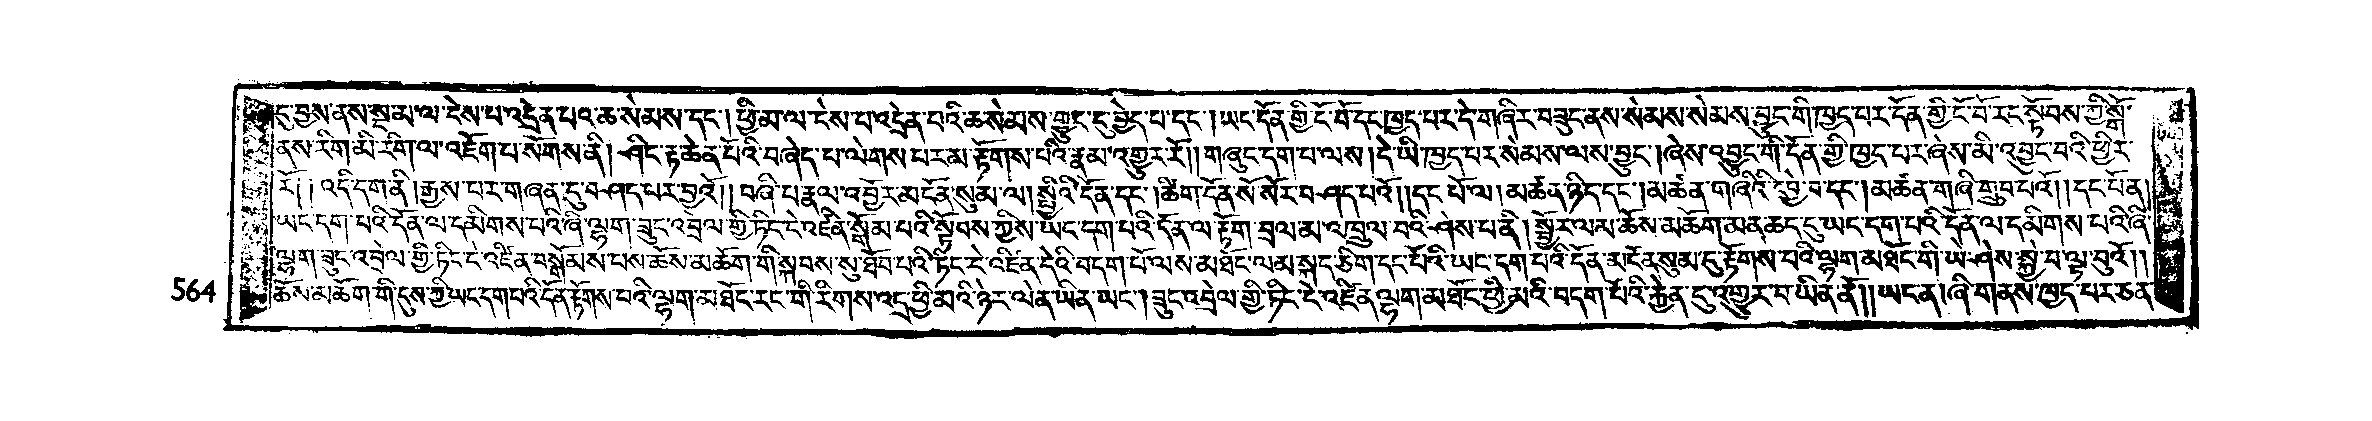དུ་བྱས་ནས་སྔ་མ་ལ་ངེས་པ་འདྲེན་པའི་?་ཆ་སེམས་དང་། ཕྱི་མ་ལ་ངེས་པ་འདྲེན་པའི་ཆ་སེམས་གྱུར་དུ་བྱེད་པ་དང་། ཡང་དོན་གྱི་ངོ་བོ་དང་ཁྱད་པར་དེ་གཞིར་བཟུང་ནས་སེམས་སེམས་བྱུང་གི་ཁྱད་པར་དོན་གྱི་ངོ་བོ་རང་སྟོབས་ཀྱི་སྒོ་
ནས་རིག་མི་རིག་ལ་འཇོག་པ་སོགས་ནི། ཤིང་རྟ་ཆེན་པོའི་བཞེད་པ་ལེགས་པར་མ་རྟོགས་པའི་རྣམ་འགྱུར་རོ། །གཞུང་དག་པ་ལས། དེ་ཡི་ཁྱད་པར་སེམས་ལས་བྱུང་། ཞེས་འབྱུང་གི་དོན་གྱི་ཁྱད་པར་ཞེས་མི་འབྱུང་བའི་ཕྱིར་
རོ། །འདི་དག་ནི། རྒྱས་པར་གཞན་དུ་བཤད་པར་བྱའོ། །བཞེ་པ་རྣལ་འབྱོར་མངོན་སུམ་ལ། སྤྱིའི་དོན་དང་། ཚིག་དོན་སོ་སོར་བཤད་པའོ། །དང་པོ་ལ། མཚན་ཉིད་དང་། མཚན་གཞིའི་དབྱེ་བ་དང་། མཚན་གཞི་གྲུབ་པའོ། །དང་པོ་ན།
ཡང་དག་པའི་དོན་ལ་དམིགས་པའི་ཞི་ལྷག་ཟུང་འབྲེལ་གྱི་ཏིང་ངེ་འཛིན་སྒོམ་པའི་སྟོབས་ཀྱིས་ཡང་དག་པའི་དོན་ལ་རྟོག་བྲལ་མ་འཁྲུལ་བའི་ཤེས་པ་ནི། སྦྱོར་ལམ་ཆོས་མཆོག་མན་ཆད་དུ་ཡང་དག་པའི་དོན་ལ་དམིགས་པའི་ཞི་
ལྷག་ཟུང་འབྲེལ་གྱི་ཏིང་ངེ་འཛིན་བསྒོམས་པས་ཆོས་མཆོག་གི་སྐབས་སུ་ཐོབ་པའི་ཏིང་ངེ་འཛིན་དེའི་བདག་པོ་ལས་མཐོང་ལམ་སྐད་ཅིག་དང་པོའི་ཡང་དག་པའི་དོན་མངོན་སུམ་དུ་རྟོགས་པའི་ལྷག་མཐོང་གི་ཡེ་ཤེས་སྐྱེ་བ་ལྟ་བུའོ། །
ཆོས་མཆོག་གི་དུས་ཀྱི་ཡང་དག་པའི་དོན་རྟོགས་པའི་ལྷག་མཐོང་རང་གི་རིགས་འདྲ་ཕྱི་མའི་ཉེར་ལེན་ཡིན་ཡང་། ཟུང་འབྲེལ་གྱི་ཏིང་ངེ་འཛིན་ལྷག་མཐོང་ཕྱི་མའི་བདག་པོའི་རྐྱེན་དུ་འགྱུར་པ་ཡིན་ནོ། །ཡང་ན། ཞི་གནས་ཁྱད་པར་ཅན་